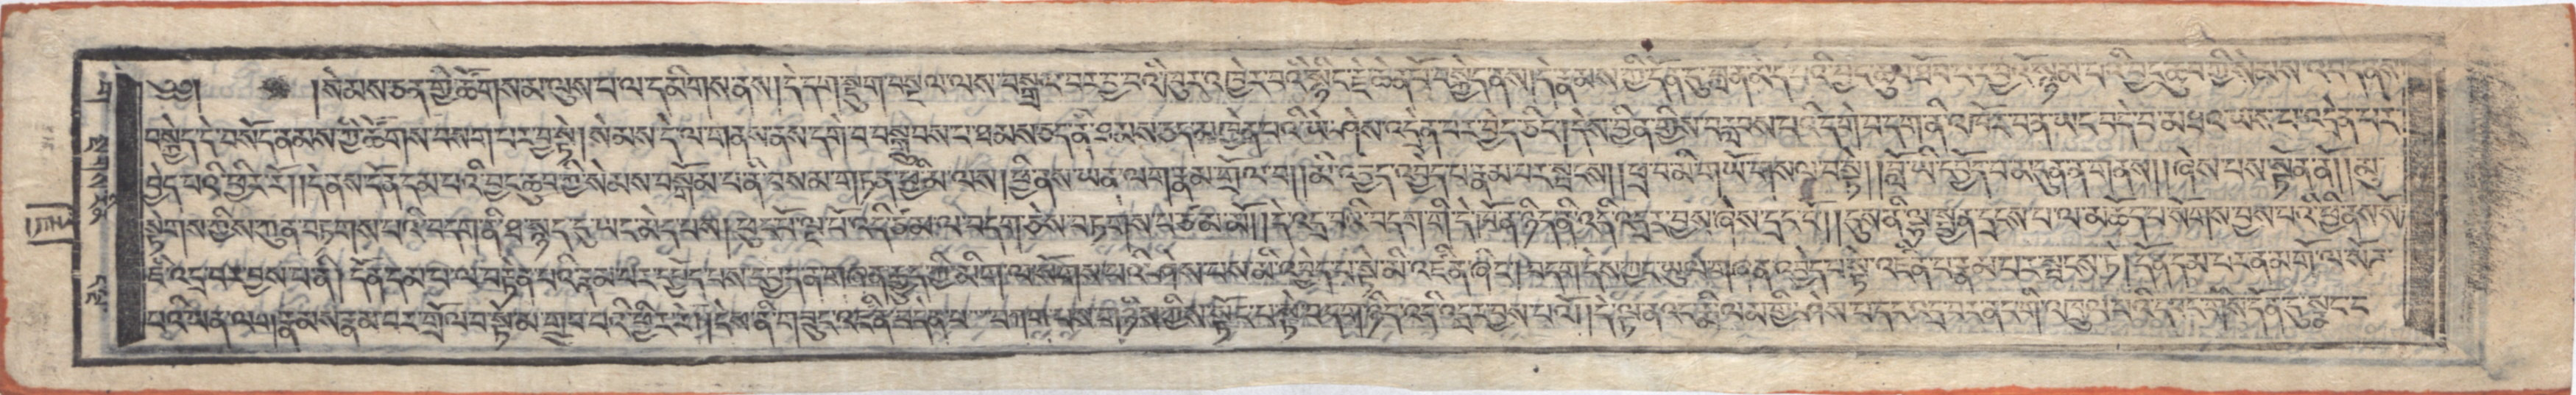༄༅། །སེམས་ཅན་གྱི་ཚོགས་མ་ལུས་པ་ལ་དམིགས་ནས། དེ་དག་སྡུག་བསྔལ་ལས་བསྒྲལ་བར་བྱ་བའི་ཁུར་འཁྱེར་བའི་སྙིང་རྗེ་ཆེན་པོ་བསྐྱེད་ནས། དེ་རྣམས་ཀྱི་དོན་དུ་བླ་ན་མེད་པའི་བྱང་ཆུབ་ཐོབ་པར་བྱའོ་སྙམ་པའི་བྱང་ཆུབ་ཀྱི་སེམས་འབད་ནས་
བསྐྱེད་དེ་བསོད་ནམས་ཀྱི་ཚོགས་བསག་པར་བྱ་སྟེ། སེམས་དེ་ལ་གནས་ནས་དགེ་བ་བསྒྲུབས་པ་ཐམས་ཅད་ནི་ཐམས་ཅད་མཁྱེན་པའི་ཡེ་ཤེས་འདྲེན་པར་བྱེད་ཅིང་། དེས་བྱིན་གྱིས་བརླབས་པའི་དགེ་བ་དག་ནི་འཁོར་བ་ན་ཡང་བདེ་བ་མཐའ་ཡས་པ་འདྲེན་པར་
བྱེད་པའི་ཕྱིར་རོ། །དེ་ནས་དོན་དམ་པའི་བྱང་ཆུབ་ཀྱི་སེམས་བསྒོམ་པ་ནི་བསམ་གཏན་ཕྱི་མ་ལས། ཕྱི་ནས་ཡན་ལག་རྣམ་གྲོལ་བ། །མི་འབྱེད་འབྱེད་པ་རྣམ་པར་སྤངས། །ཕྲ་བ་མི་གཡོ་གསལ་བ་སྟེ། །བློ་ཡི་དཔྱོད་པ་མདུན་ན་གནས། །ཞེས་པས་སྟོན་ནོ། །མུ་
སྟེགས་ཀྱིས་ཀུན་བཏགས་པའི་བདག་ནི་ཐ་སྙད་དུ་ཡང་མེད་པས། ཕུང་པོ་ལྔ་པོ་འདི་ཙམ་ལ་བདག་ཅེས་བཏགས་པ་ཙམ་མོ། །དེ་འདྲ་བའི་བདག་གི་དེ་ཁོ་ན་ཉིད་ནི་འདི་འདྲར་བྱས་ཞེས་དྲང་ངོ། །དུས་ནི་ལྷ་སྤྱན་དྲངས་པ་ལ་མཆོད་པ་སོགས་བྱས་པའི་ཕྱི་ནས་སོ༑
ཇི་འདྲ་བར་བྱས་པ་ནི། དོན་དམ་པ་ལ་བརྟེན་པའི་རྣམ་པར་དཔྱོད་པས་དཔྱད་ན་གཞན་རྒྱུད་ཀྱི་མིག་ལ་སོགས་པའི་ཤེས་པས་མི་འབྱེད་པ་སྟེ་མི་འཛིན་ཞིང་། བདག་དེས་ཀྱང་ཡུལ་གཞན་འབྱེད་པ་སྟེ་འཛིན་པ་རྣམ་པར་སྤངས་ཏེ། དོན་དམ་པར་ན་མགོ་ལ་སོགས་
པའི་ཡན་ལག་རྣམས་རྣམ་པར་གྲོལ་བ་སྟེ་མ་གྲུབ་པའི་ཕྱིར་རོ། །དེས་ནི་གཟུང་འཛིན་བདེན་པ་བཀག་པས་གཉིས་ཀྱིས་སྟོང་པ་སྟེ་བདག་ཉིད་འདི་འདྲར་བྱས་པའོ། །དེ་ལྟ་ནའང་རྨི་ལམ་གྱི་ཤེས་པ་དང་འདྲ་བར་ནང་གི་འཁྲུལ་པའི་དབང་གིས་དོན་དུ་སྣང་བ་